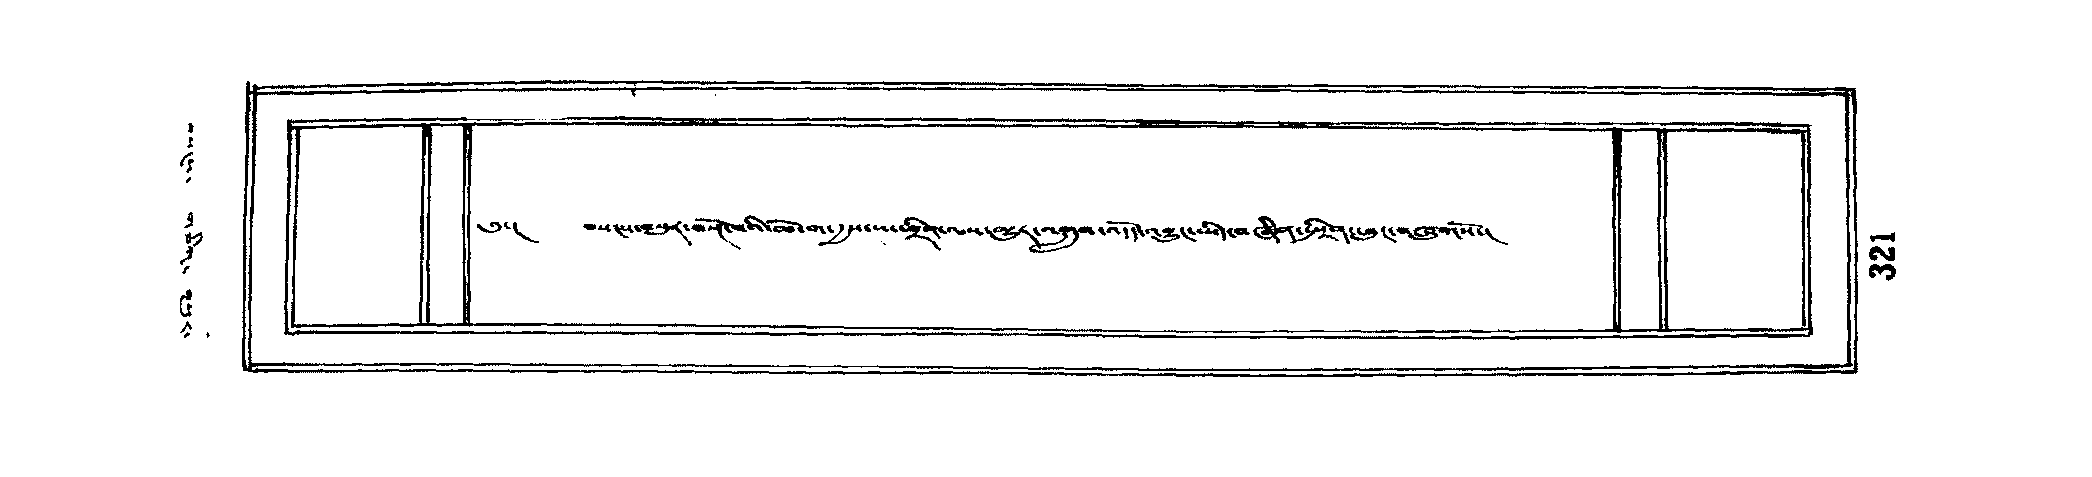༄༅། བསངས་བསུར་བསྔོ་བའི་ཆོ་ག་རྒྱས་པ་ཕྲིན་ལས་མྱུར་འགྲུབ་འདོད་འབྱུང་ཡིད་བཞིན་སྤྲིན་ཕུང་བཞུགས་སོ།